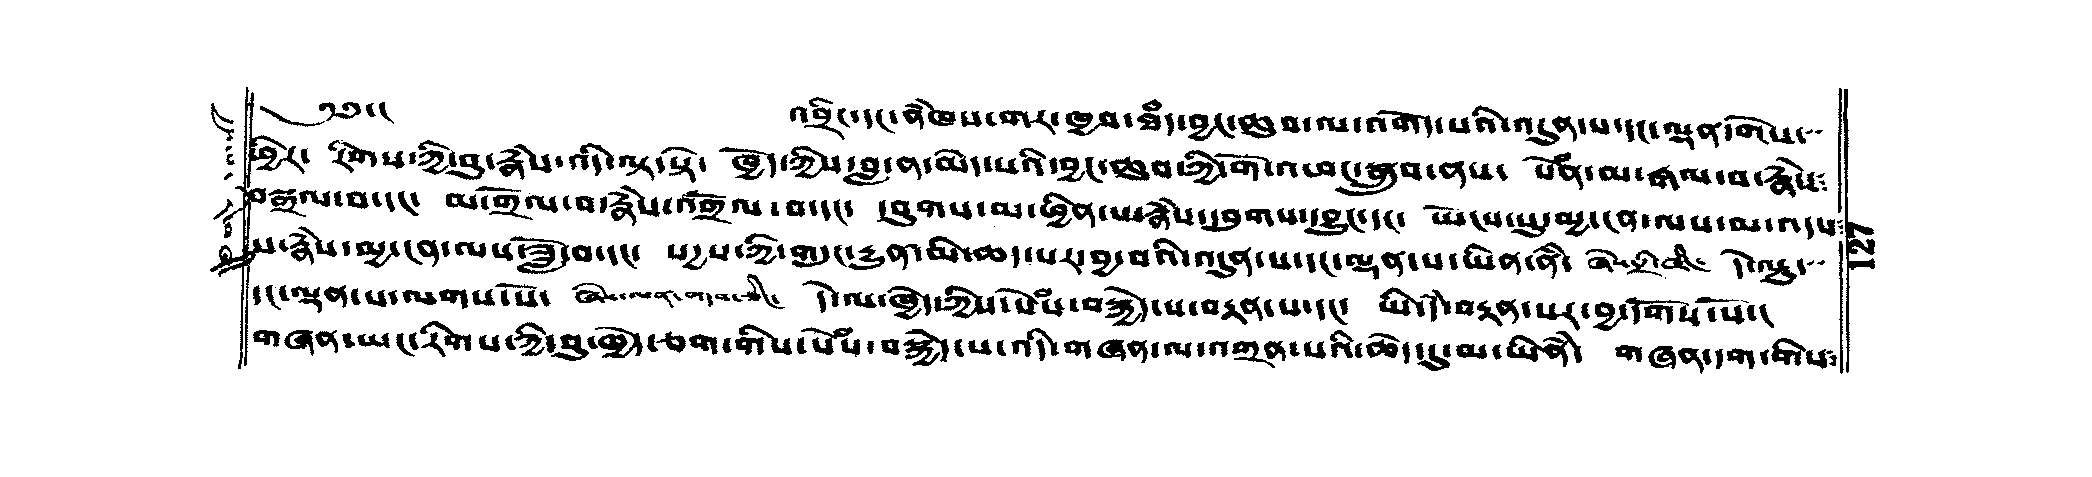འབྲིང་དང་ནམ་མཁས་གར་ཁྱབ་ཐམས་ཅད་བྱང་ཆུབ་ལ་འགོད་པའི་འདུན་པ་དང་ལྡན་དགོས་
ཕྱིར། རིགས་ཀྱི་བུ་རྣམས་འདི་ལྟ་སྟེ། ཁྱོད་ཀྱིས་བླ་ན་མེད་པའི་བྱང་ཆུབ་ཀྱི་གོ་འཕང་སྒྲུབ་ནས། སེམས་ཅན་མ་རྒལ་བ་རྣམས་
བསྒྲལ་བ་དང་། མ་གྲོལ་བ་རྣམས་འགྲོལ་བ་དང་། དབུགས་མ་ཕྱིན་པ་རྣམས་དབུགས་དབྱུང་དང་། ཡོངས་སུ་མྱ་ངན་ལས་མ་འདས་
པ་རྣམས་མྱ་ངན་ལས་ཟློ་བ་དང་། སངས་རྒྱས་ཀྱི་གདུ་རྒྱུན་མི་ཆད་པར་བྱ་བའི་འདུན་པ་དང་ལྡན་པ་ཡིན་ནམ། ཞེས་དྲི་ཞིང་། དེ་ལྟ་བུ་
དང་ལྡན་པ་ལགས་སོ། ཞེས་ལན་གདབ་ཅིང་། དེ་ལ་ཁྱེད་ཀྱིས་སེམས་བསྐྱེད་པ་བརྟན་པ་དང་། ཡི་དམ་བརྟན་པར་བྱ་དགོས་སོ། 
གཞན་ཡང་རིགས་ཀྱི་བུ་ཁྱོད་ཅག་གིས་སེམས་བསྐྱེད་པ་འདི་གཞན་ལ་འགྲན་པའི་ཆེད་དུ་མ་ཡིན་ནམ། གཞན་དག་གིས་